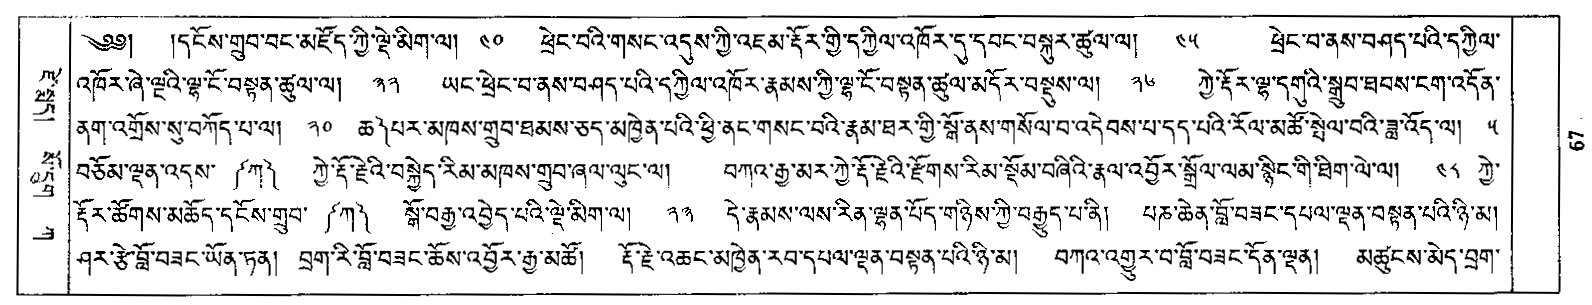༄༅། །དངོས་གྲུབ་བང་མཛོད་ཀྱི་ལྡེ་མིག་ལ། ༤༠་ཕྲེང་བའི་གསང་འདུས་ཀྱི་འཇམ་རྡོར་གྱི་དཀྱིལ་འཁོར་དུ་དབང་བསྐུར་ཚུལ་ལ། ༤༥་ཕྲེང་བ་ནས་བཤད་པའི་དཀྱིལ་
འཁོར་ཞེ་ལྔའི་ལྷ་ངོ་བསྟན་ཚུལ་ལ། ༣༢་ཡང་ཕྲེང་བ་ནས་བཤད་པའི་དཀྱིལ་འཁོར་རྣམས་ཀྱི་ལྷ་ངོ་བསྟན་ཚུལ་མདོར་བསྡུས་ལ། ༢༦་ཀྱེ་རྡོར་ལྷ་དགུའི་སྒྲུབ་ཐབས་ངག་འདོན་
ནག་འགྲོས་སུ་བཀོད་པ་ལ། ༢༠་ཆ་པར་མཁས་གྲུབ་ཐམས་ཅད་མཁྱེན་པའི་ཕྱི་ནང་གསང་བའི་རྣམ་ཐར་གྱི་སྒོ་ནས་གསོལ་བ་འདེབས་པ་དད་པའི་རོལ་མཚོ་སྤེལ་བའི་ཟླ་འོད་ལ། ༥
བཅོམ་ལྡན་འདས་?ཀ་ཀྱེ་རྡོ་རྗེའི་བསྐྱེད་རིམ་མཁས་གྲུབ་ཞལ་ལུང་ལ། བཀའ་རྒྱ་མར་ཀྱེ་རྡོ་རྗེའི་རྫོགས་རིམ་སྡོམ་བཞིའི་རྣལ་འབྱོར་སྒྲོལ་ལམ་སྙིང་གི་ཐིག་ལེ་ལ། ༤༨་ཀྱེ་
རྡོར་ཚོགས་མཆོད་དངོས་གྲུབ་?ཀ་སྒོ་བརྒྱ་འབྱེད་པའི་ལྡེ་མིག་ལ། ༢༣་དེ་རྣམས་ལས་རིན་ལྷན་པོད་གཉིས་ཀྱི་བརྒྱུད་པ་ནི། པཎ་ཆེན་བློ་བཟང་དཔལ་ལྡན་བསྟན་པའི་ཉི་མ།
ཤར་རྩེ་བློ་བཟང་ཡོན་ཏན། བྲག་རི་བློ་བཟང་ཆོས་འབྱོར་རྒྱ་མཚོ། རྡོ་རྗེ་འཆང་མཁྱེན་རབ་དཔལ་ལྡན་བསྟན་པའི་ཉི་མ། བཀའ་འགྱུར་བ་བློ་བཟང་དོན་ལྡན། མཚུངས་མེད་བྲག་